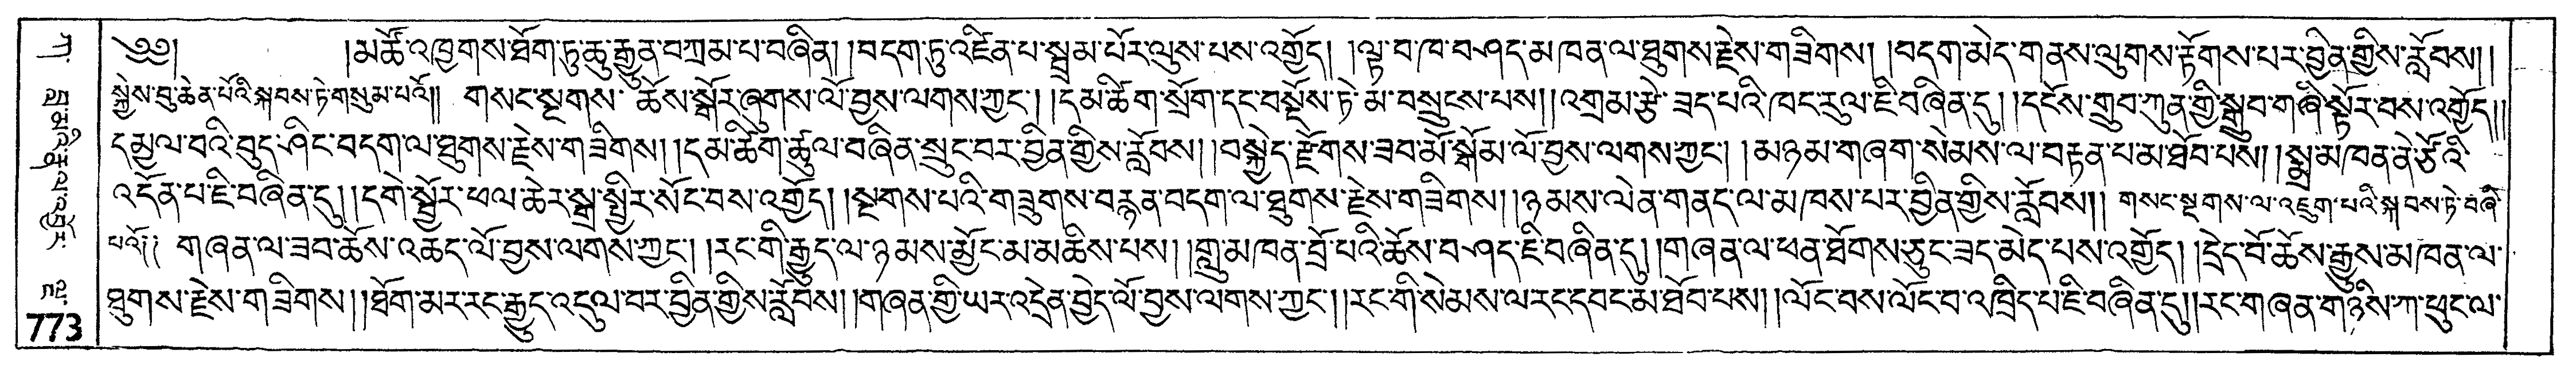༄༅། །མཚོ་འཁྱགས་ཐོག་ཏུ་ཆུ་རྒྱུན་བཀྲམ་པ་བཞིན། །བདག་ཏུ་འཛིན་པ་སྦྲམ་པོར་ལུས་པས་འགྱོད། །ལྟ་བ་ཁ་བཤད་མཁན་ལ་ཐུགས་རྗེས་གཟིགས། །བདག་མེད་གནས་ལུགས་རྟོགས་པར་བྱིན་གྱིས་རློབས།
སྐྱེས་བུ་ཆེན་པོའི་སྐབས་ཏེ་གསུམ་པའོ།།  གསང་སྔགས་ཆོས་སྒོར་ཞུགས་ལོ་བྱས་ལགས་ཀྱང་། །དམ་ཚིག་སྲོག་དང་བསྡོས་ཏེ་མ་བསྲུངས་པས། །འགྲམ་རྩེ་ཟད་པའི་ཁང་རུལ་ཇི་བཞིན་དུ། །དངོས་གྲུབ་ཀུན་གྱི་སྒྲུབ་གཞི་སྟོར་བས་འགྱོད། །
དམྱལ་བའི་བུད་ཤིང་བདག་ལ་ཐུགས་རྗེས་གཟིགས། །དམ་ཚིག་ཚུལ་བཞིན་སྲུང་བར་བྱིན་གྱིས་རློབས། །བསྐྱེད་རྫོགས་ཟབ་མོ་སྒོམ་ལོ་བྱས་ལགས་ཀྱང་། །མཉམ་གཞག་སེམས་ལ་བརྟན་པ་མ་ཐོབ་པས། །སྨྲ་མཁན་ནེ་ཙོའི་
འདོན་པ་ཇི་བཞིན་དུ། །དགེ་སྦྱོར་ཕལ་ཆེར་སྒྲ་སྤྱིར་སོང་བས་འགྱོད། །སྔགས་པའི་གཟུགས་བརྙན་བདག་ལ་ཐུགས་རྗེས་གཟིགས། །ཉམས་ལེན་གནད་ལ་མཁས་པར་བྱིན་གྱིས་རློབས།། གསང་སྔགས་ལ་འཇུག་པའི་སྐབས་ཏེ་བཞི་
པའོ༑༑ གཞན་ལ་ཟབ་ཆོས་འཆད་ལོ་བྱས་ལགས་ཀྱང་། །རང་གི་རྒྱུད་ལ་ཉམས་མྱོང་མ་མཆིས་པས། །གླུ་མཁན་བྲོ་པའི་ཆོས་བཤད་ཇི་བཞིན་དུ། །གཞན་ལ་ཕན་ཐོགས་ཅུང་ཟད་མེད་པས་འགྱོད། །དྲེད་བོ་ཆོས་རྒྱུས་མཁན་ལ་
ཐུགས་རྗེས་གཟིགས། །ཐོག་མར་རང་རྒྱུད་འདུལ་བར་བྱིན་གྱིས་རློབས། །གཞན་གྱི་ཡར་འདྲེན་བྱེད་ལོ་བྱས་ལགས་ཀྱང་། །རང་གི་སེམས་ལ་རང་དབང་མ་ཐོབ་པས། །ལོང་བས་ལོང་བ་འཁྲིད་པ་ཇི་བཞིན་དུ། །རང་གཞན་གཉིས་ཀ་ཕུང་ལ་